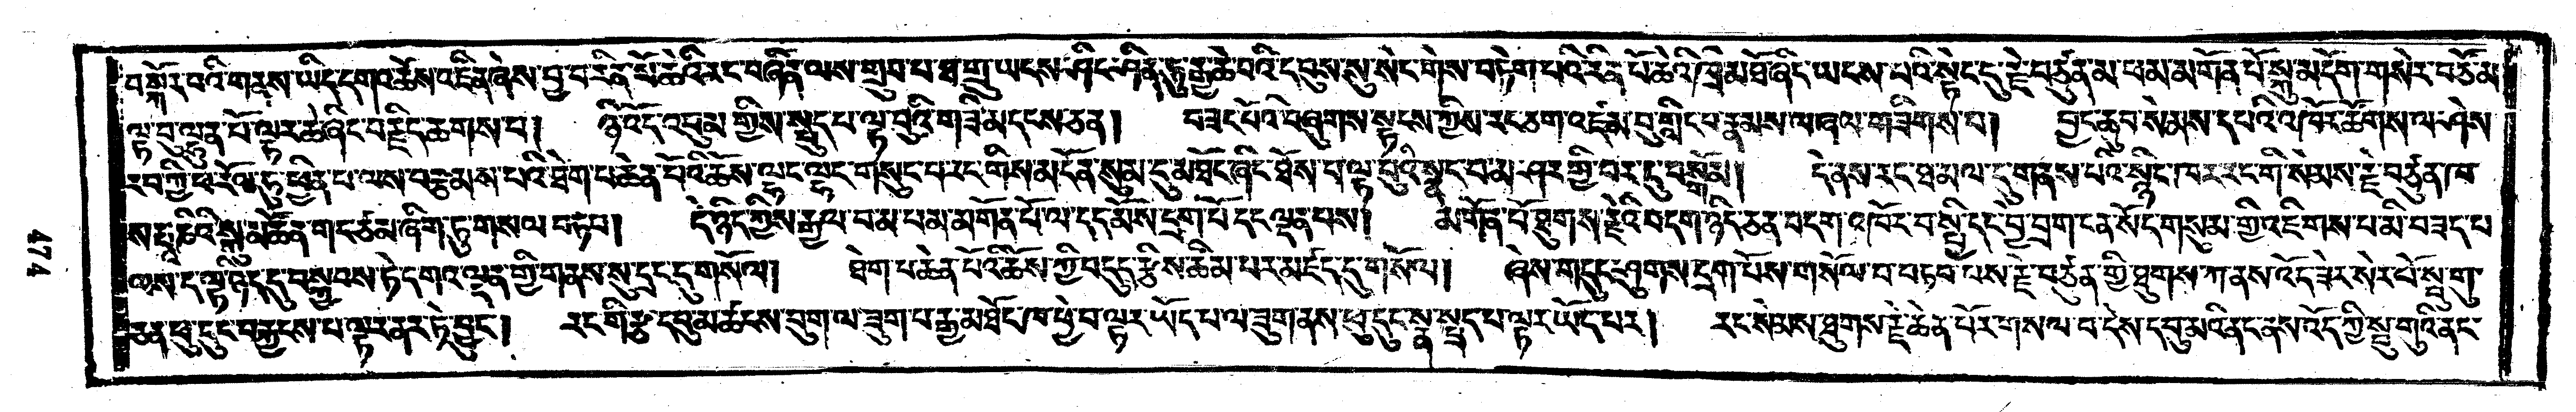བསྐོར་བའི་གནས་ཡིད་དགའ་ཚེས་འཛིན་ཞེས་བྱ་བ་རིན་པོ་ཆེའི་རང་བཞིན་ལས་གྲུབ་པ་ཐ་གྲུ་ཡངས་ཤིང་ཤིན་ཏུ་རྒྱ་ཆེ་བའི་དབུས་སུ་སེང་གེས་བཏེག་པའི་རིན་པོ་ཆེའི་ཁྲི་མཐོ་ཞིང་ཡངས་པའི་སྟེང་དུ་རྗེ་བཙུན་མ་ཕམ་མགོན་པོ་སྐུ་མདོག་གསེར་བཅོ་མ་
ལྟ་བུ་ལྷུན་པོ་ལྟར་ཆེ་ཞིང་བརྗིད་ཆགས་པ། ཉི་འོད་འབུམ་གྱིས་སྤུད་པ་ལྟ་བུའི་གཟི་མདངས་ཅན། བཟང་པོའི་བཞུགས་སྟངས་ཀྱིས་རང་ཅག་འཛམ་བུ་གླིང་པ་རྣམས་ལ་ཞལ་གཟིགས་པ། བྱང་ཆུབ་སེམས་དཔའི་འཁོར་ཚོགས་ལ་ཤེས་
རབ་ཀྱི་ཕ་རོལ་ཏུ་ཕྱིན་པ་ལས་བརྩམས་པའི་ཐེག་པ་ཆེན་པོའི་ཆོས་ལྷང་ལྷང་གསུང་པ་རང་གིས་མངོན་སུམ་དུ་མཐོང་ཞིང་ཐོས་པ་ལྟ་བུའི་སྣང་བ་མ་ཤར་གྱི་བར་དུ་བསྒོམ། དེ་ནས་རང་ཐ་མལ་དུ་གནས་པའི་སྙིང་ཁར་རང་གི་སེམས་རྗེ་བཙུན་ཁ་
སརྦཱ་ཎཱི་སྐུ་མཚོན་གང་ཙམ་ཞིག་ཏུ་གསལ་བཏབ། དེ་ཉིད་ཀྱིས་རྒྱལ་བ་མ་པམ་མགོན་པོ་ལ་དད་མོས་དྲག་པོ་དང་ལྡན་པས། མགོན་པོ་ཐུགས་རྗེའི་བདག་ཉིད་ཅན་བདག་འཁོར་བ་སྦྱི་དང་བྱེ་བྲག་ངན་སོང་གསུམ་གྱི་འཇིགས་པ་མི་བཟད་པ་
ལས་ད་ལྟ་ཉིད་དུ་བསྐྱབས་ཏེ་དགའ་ལྡན་གྱི་གནས་སུ་དྲང་དུ་གསོལ། ཐེག་པ་ཆེན་པོའི་ཆོས་ཀྱི་བདུད་རྩིས་ཚིམ་པར་མཛད་དུ་གསོལ། ཞེས་གདུང་ཤུགས་དྲག་པོས་གསོལ་བ་བཏབ་པས་རྗེ་བཙུན་གྱི་ཐུགས་ཀ་ནས་འོད་ཟེར་སེར་པོ་སྦུ་གུ་
ཅན་ཕུ་དུང་བརྐྱངས་པ་ལྟར་ནར་ཏེ་བྱུང་། རང་གི་རྩ་དབུ་མ་ཚངས་བུག་ལ་ཟུག་པ་རྒྱ་མཐོང་ཁ་ཕྱེ་བ་ལྟར་ཡོད་པ་ལ་ཟུག་ནས་ཕུ་དུང་སྣ་སྦྲད་པ་ལྟར་ཡོད་པར། རང་སེམས་ཐུགས་རྗེ་ཆེན་པོར་གསལ་བ་དེས་དབུ་མའི་ནང་ནས་འོད་ཀྱི་སྦུ་གུའི་ནང་